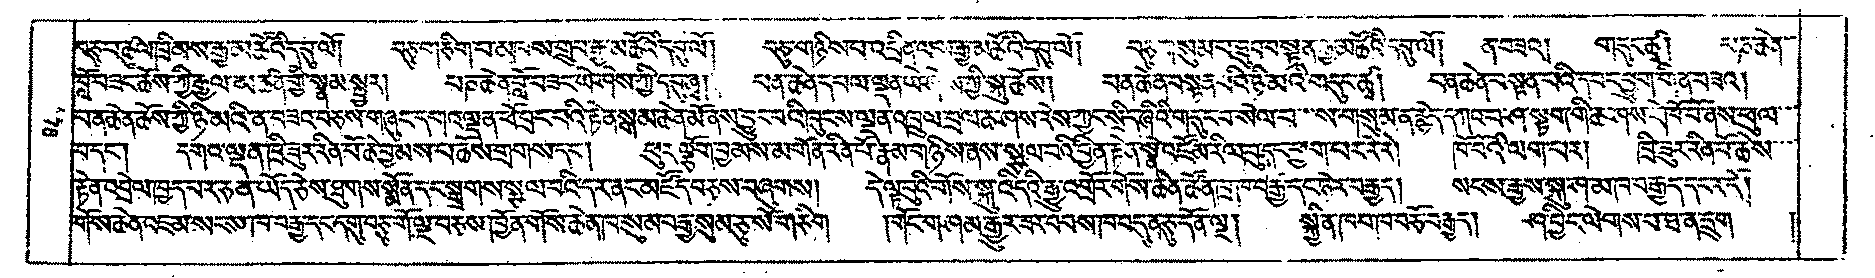བཅུ་པ་ཚུལ་ཁྲིམས་རྒྱ་མཚོའི་དབུ་ལོ། བཅུ་གཅིག་པ་མཁས་གྲུབ་རྒྱ་མཚོའི་དབུ་ལོ། བཅུ་གཉིས་པ་འཕྲིན་ལས་རྒྱ་མཚོའི་དབུ་ལོ། བཅུ་གསུམ་པ་ཐུབ་བསྟན་རྒྱ་མཚོའི་དབུ་ལོ། ན་བཟའ། གདུང་ཚྭ། པཎ་ཆེན་
བློ་བཟང་ཆོས་ཀྱི་རྒྱལ་མཚན་གྱི་སྣམ་སྦྱར། པཎ་ཆེན་བློ་བཟང་ཡེ་ཤེས་ཀྱི་དབུ་ཞྭ། པཎ་ཆེན་དཔལ་ལྡན་ཡེ་ཤེས་ཀྱི་སྐུ་ཆོས། པན་ཆེན་བསྟན་པའི་ཉི་མའི་གདུང་ཚྭ། པན་ཆེན་བསྟན་པའི་དབང་ཕྱུག་གི་ན་བཟའ།
པན་ཆེན་ཆོས་ཀྱི་ཉི་མའི་ན་བཟའ་བཅས་གཞུང་དགའ་ལྡན་ཕོ་བྲང་བའི་རྟེན་སྒམ་ཆེན་མོ་ནས་བྱུང་བའི་ཁུངས་ལྡན་འཁྲུལ་པྲལ་ཆ་ཤས་རེས་ཀྱང་སྲིད་ཞིའི་གདུང་བ་སེལ་བ་ས་གསུམ་ན་རྙེད་དཀའ་བ་ཤ་སྟག་གི་ཆ་ཤས་རེ་ཁོ་བོ་ནས་ཕུལ་
བ་དང་། དགའ་ལྡན་ཁྲི་ཟུར་རིན་པོ་ཆེ་བྱམས་པ་ཆོས་གྲགས་དང་། ཕུར་ལྕོག་བྱམས་མགོན་རིན་པོ་རྣམ་གཉིས་ནས་སྩལ་བའི་བྱིན་རྟེན་སྣེ་འཛོམ་རིལ་བུ་དང་ཕྱག་པར་རེ་རེ། ཁོ་བོའི་ལག་པར། ཁྲི་ཟུར་རིན་པོ་ཆེས་
རྟེན་འབྲེལ་ཁྱད་པར་ཅན་ཡོད་ཅེས་ཐུགས་སྨོན་དང་སྒྲགས་སྩལ་བའི་དར་ནང་མཛོད་བཅས་བཞུགས། དེ་ལྟ་བུའི་གོས་སྐུ་འདིའི་རྒྱུ་འགྲོར་གོས་ཆེན་ཚོན་ཁྲ་ཁ་བརྒྱ་དང་ཉེར་བརྒྱད། སངས་རྒྱས་སྐུ་ཤ་མ་ཁ་བརྒྱད་དང་ར་དོ།
གོས་ཆེན་འཇམ་སངས་ཁ་བརྒྱ་དང་དགུ་བཅུ་གོ་ལྔ་བཅས་ཁྱོན་གོས་ཆེན་ཁ་སུམ་བརྒྱ་སུམ་ཅུ་སོ་གཅིག །གོང་གཤམ་རྒྱུར་ཟར་བབས་ཁ་བདུན་ཅུ་དོན་ལྔ། སྐྱིན་ཁག་ཁ་བཅོ་བརྒྱད། ཤ་བྱིང་ལེགས་པ་ཐ་ན་དྲུག །